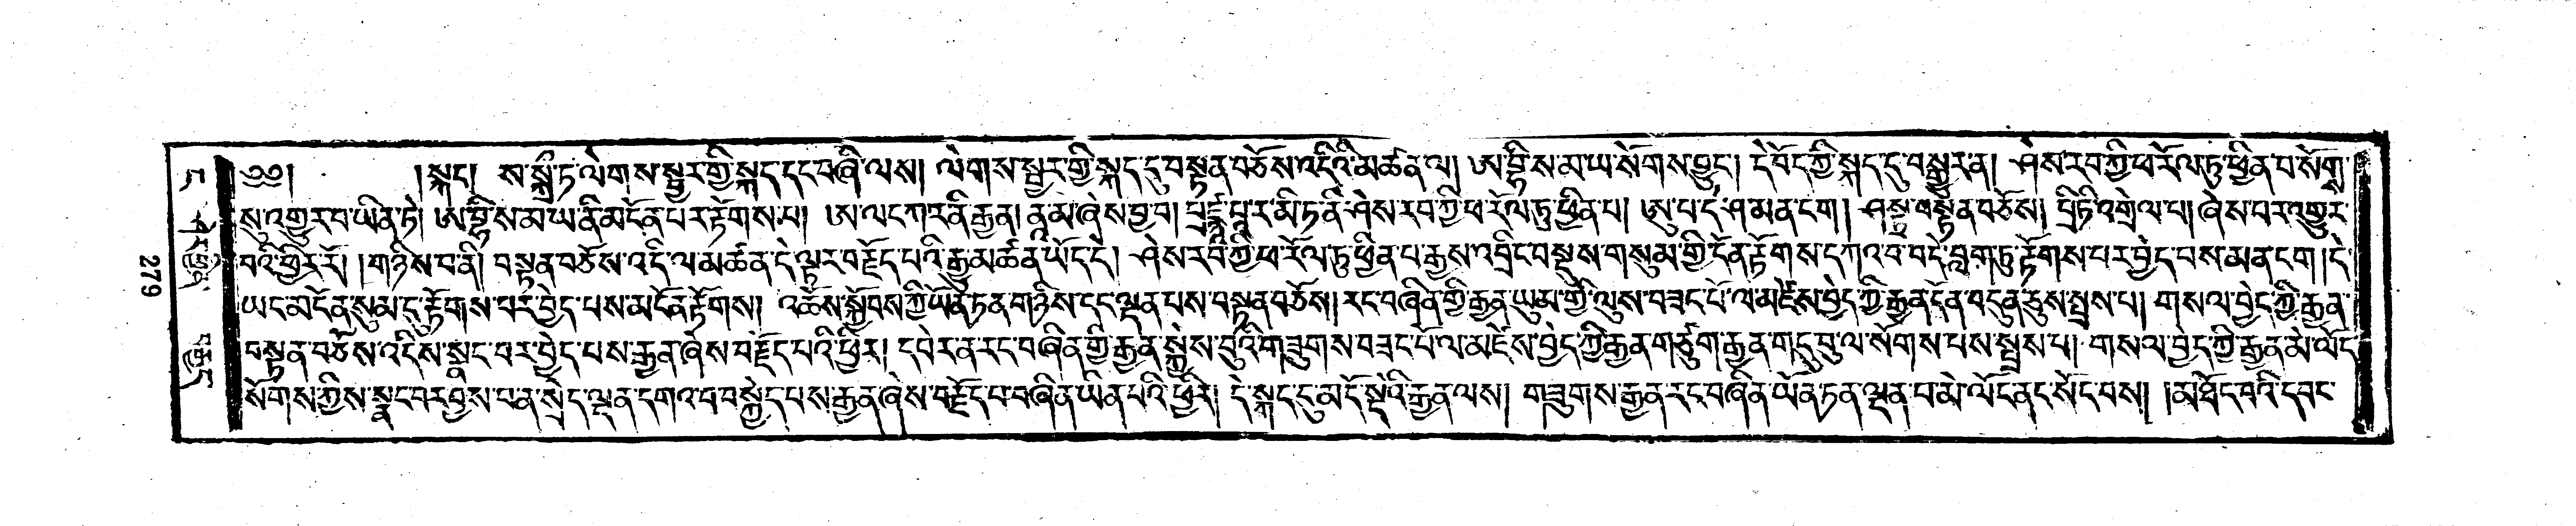༄༅། །སྐད༑ སཾ་སྐྲྀ་ཏ་ལེགས་སྦྱར་གྱི་སྐད་དང་བཞི་ལས། ལེགས་སྦྱར་གྱི་སྐད་དུ་བསྟན་བཅོས་འདིའི་མཚན་ལ། ཨ་བྷི་ས་མ་ཡ་སོགས་བྱུང་། དེ་བོད་ཀྱི་སྐད་དུ་བསྒྱུར་ན། ཤེས་རབ་ཀྱི་ཕ་རོལ་ཏུ་ཕྱིན་པ་སོགས་
སུ་འགྱུར་བ་ཡིན་ཏེ། ཨ་བྷི་ས་མ་ཡ་ནི་མངོན་པར་རྟོགས་པ། ཨ་ལང་ཀ་ར་ནི་རྒྱན། ནཱ་མ་ཞེས་བྱ་བ། པྲཛྙཱ་པཱ་ར་མི་ཏ་ནི་ཤེས་རབ་ཀྱི་ཕ་རོལ་ཏུ་ཕྱིན་པ། ཨུ་པ་དེ་ཤ་མན་ངག །ཤསྟྲ་བསྟན་བཅོས། པྲི་ཏི་འགྲེལ་པ། ཞེས་པར་འགྱུར་
བའི་ཕྱིར་རོ། །གཉིས་པ་ནི། བསྟན་བཅོས་འདི་ལ་མཚན་དེ་ལྟར་བརྗོད་པའི་རྒྱུ་མཚན་ཡོད་དེ། ཤེས་རབ་ཀྱི་ཕ་རོལ་ཏུ་ཕྱིན་པ་རྒྱས་འབྲིང་བསྡུས་གསུམ་གྱི་དོན་རྟོགས་དཀའ་བ་བདེ་བླག་ཏུ་རྟོགས་པར་བྱེད་པས་མན་ངག །དེ་
ཡང་མངོན་སུམ་དུ་རྟོགས་པར་བྱེད་པས་མངོན་རྟོགས། འཆོས་སྐྱོབས་ཀྱི་ཡོན་ཏན་གཉིས་དང་ལྡན་པས་བསྟན་བཅོས། རང་བཞིན་གྱི་རྒྱན་ཡུམ་གྱི་ལུས་བཟང་པོ་ལ་མཛེས་བྱེད་ཀྱི་རྒྱན་དོན་བདུན་ཅུས་སྤྲས་པ། གསལ་བྱེད་ཀྱི་རྒྱན་
བསྟན་བཅོས་འདིས་སྣང་བར་བྱེད་པས་རྒྱན་ཞེས་བརྗོད་པའི་ཕྱིར། དཔེར་ན་རང་བཞིན་གྱི་རྒྱན་སྐྱེས་བུའི་གཟུགས་བཟང་པོ་ལ་མཛེས་བྱེད་ཀྱི་རྒྱན་གཙུག་རྒྱན་གདུ་བུ་ལ་སོགས་པས་སྤྲས་པ། གསལ་བྱེད་ཀྱི་རྒྱན་མེ་ལོང་
སོགས་ཀྱིས་སྣང་བར་བྱས་པ་ན་སྲེད་ལྡན་དགའ་བ་བསྐྱེད་པས་རྒྱན་ཞེས་བརྗོད་པ་བཞིན་ཡིན་པའི་ཕྱིར། དེ་སྐད་དུ་མདོ་སྡེའི་རྒྱན་ལས། གཟུགས་རྒྱན་རང་བཞིན་ཡོན་ཏན་ལྡན་པ་མེ་ལོང་ནང་སོང་བས། །མཐོང་བའི་དབང་